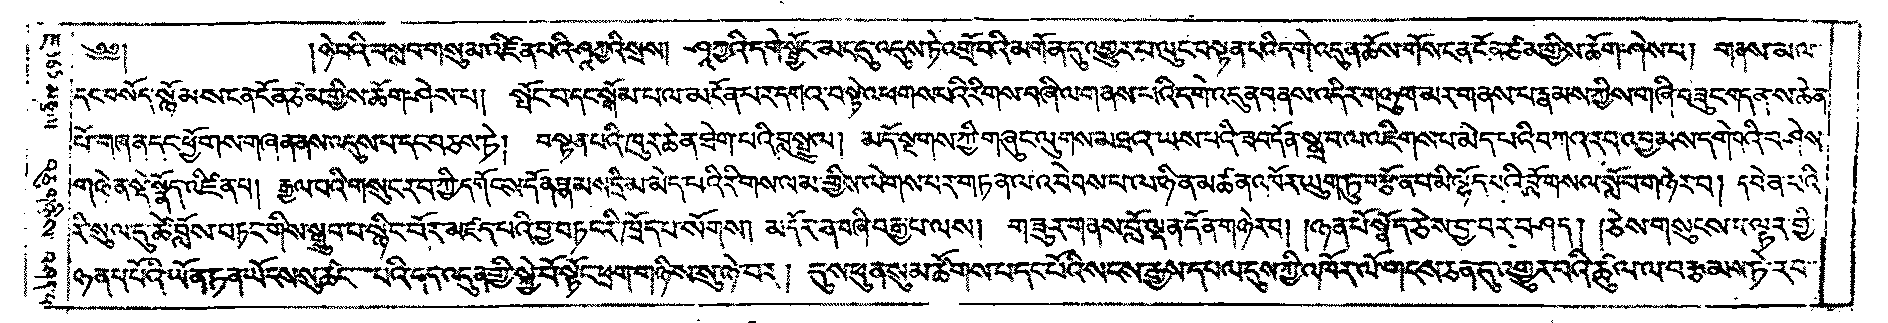༄༅། །ཉེ་བའི་བསླབ་གསུམ་འཛིན་པའི་ཤཱཀྱའི་སྲས། ཤཱཀྱའི་དགེ་སྦྱོང་མང་དུ་འདུས་ཏེ་འགྲོ་བའི་མགོན་དུ་འགྱུར་བ་ལུང་བསྟན་པའི་དགེ་འདུན་ཆོས་གོས་ངན་ངོན་ཙམ་གྱིས་ཆོག་ཤེས་པ། གནས་མལ་
དང་བསོད་སྙོམས་ངན་ངོན་ཙམ་གྱིས་ཆོག་ཤེས་པ། སྤོང་བ་དང་སྒོམ་པ་ལ་མངོན་པར་དགའ་བ་སྟེ་འཕགས་པའི་རིགས་བཞི་ལ་གནས་པའི་དགེ་འདུན་གནས་འདིར་གཉུག་མར་གནས་པ་རྣམས་ཀྱིས་གཞི་བཟུང་གདན་ས་ཆེན་
པོ་གཞན་དང་ཕྱོགས་གཞན་ནས་འདུས་པ་དང་བཅས་ཏེ། བསྟན་པའི་ཁུར་ཆེན་ཐེག་པའི་བླ་སྤྲུལ། མདོ་སྔགས་ཀྱི་གཞུང་ལུགས་མཐའ་ཡས་པའི་ཟབ་དོན་སྨྲ་བ་ལ་འཇིགས་པ་མེད་པའི་བཀའ་རབ་འབྱམས་དགེ་བའི་བཤེས་
གཉེན་སྡེ་སྣོད་འཛིན་པ། རྒྱལ་བའི་གསུང་རབ་ཀྱི་དགོངས་དོན་རྣམས་དྲི་མ་མེད་པའི་རིགས་ལམ་གྱིས་ལེགས་པར་གཏན་ལ་འབེབས་པ་ལ་ཉིན་མཚན་འཁོར་ཡུག་ཏུ་བརྩོན་པ་མི་ལྷོད་པའི་བློ་གསལ་སློབ་གཉེར་བ། དབེན་པའི་
རི་སུལ་དུ་ཚེ་བློས་བཏང་གིས་སྒྲུབ་པ་སྙིང་པོར་མཛད་པའི་བྱ་བཏང་རི་ཁྲོད་པ་སོགས། མདོར་ན་བཞི་བརྒྱ་པ་ལས། གཟུར་གནས་བློ་ལྡན་དོན་གཉེར་བ། །ཉན་པོ་སྣོད་ཅེས་བྱ་བར་བཤད། །ཅེས་གསུངས་པ་ལྟར་གྱི་
ཉན་པ་པོའི་ཡོན་ཏན་ཡོངས་སུ་ཚང་པའི་དད་འདུན་གྱི་སྐྱེ་བོ་སྟོང་ཕྲག་གཉིས་སུ་ཉེ་བར། དུས་ཕུན་སུམ་ཚོགས་པ་དང་པོའི་སངས་རྒྱས་དཔལ་དུས་ཀྱི་འཁོར་ལོ་གངས་ཅན་དུ་འགྱུར་བའི་ཚུལ་ལ་བརྩམས་ཏེ་རབ་